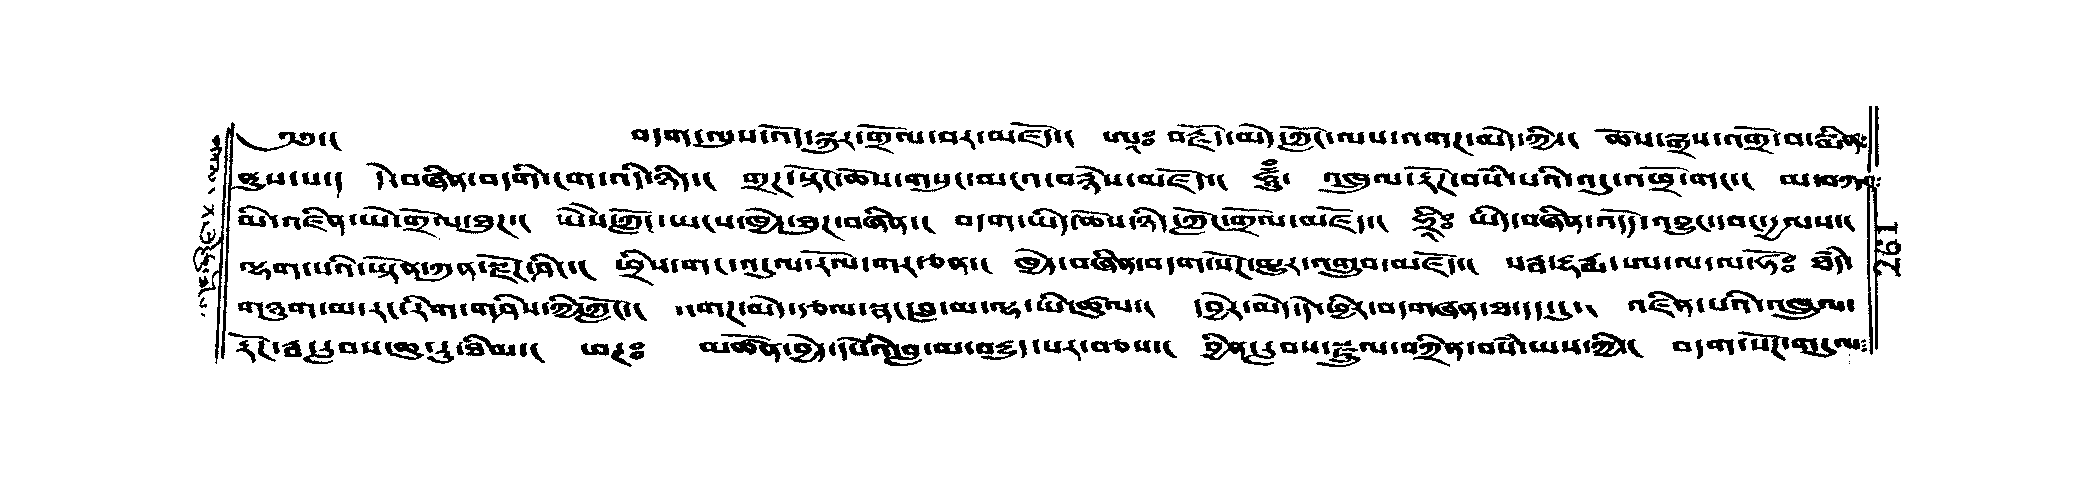།བདག་ལུས་འོད་སྐུར་གྲོལ་བར་མཛོད། ཨཱཿ བརྗོད་མེད་ཀློང་ལས་འགགས་མེད་ཀྱི། །ཆོས་སྒྲས་འགྲོ་བ་སྨིན་
ནུས་པ། །དེ་བཞིན་བདག་གི་ངག་འདི་ཉིད། །གྲགས་སྟོང་ཆོས་གསུང་མངའ་བརྙེས་མཛོད། ཧཱུྃ། འཁྲུལ་རྟོག་བསམ་པའི་འདུ་འཕྲོ་གང་། །མ་བཀག་
མི་འཛིན་ཡེ་གྲོལ་ཐུགས། །ཡེ་ཤེས་ཀློང་ཡངས་ཁྱེད་ཐུགས་བཞིན། །བདག་ཡིད་ཆོས་ཉིད་ཀློང་གྲོལ་མཆོད། ཧྲཱིཿ ཡིད་བཞིན་འདོད་འབྱུང་དབང་རྒྱལ་ལས། །
ལྷག་པའི་ཡོན་ཏན་ཀུན་རྫོགས་ཤིང་། །ཕྲིན་ལས་གང་འདུལ་རོལ་གར་ཅན། །ཁྱེད་བཞིན་བདག་སོགས་མྱུར་འགྲུབ་མཛོད། སརྦ་དྷརྨ་ཨ་ལ་ལ་ཧོཿ ཐམས་ཅད་
གཉུག་མ་རང་རིག་གཤིས་ཀྱི་ཀློང་། །འགགས་མེད་རྩལ་སྣང་བླ་མ་ལྷ་ཡི་ཚུལ། །དབྱེར་མེད་དེ་ཕྱིར་བདག་གཞན་ཐ་དད་དུ། །འཛིན་པའི་འཁྲུལ་
རྟོག་རྦ་རླབས་ཆུ་རུ་ཐིམ། ཕཊཿ མཚོན་བྱེད་དཔེའི་བླ་མ་བརྒྱུད་པར་བཅས། །བྱིན་རླབས་རྫུ་འཕྲུལ་བཀའ་དྲིན་བསམ་ཡས་ཀྱི། །བདག་སོགས་གདུལ་